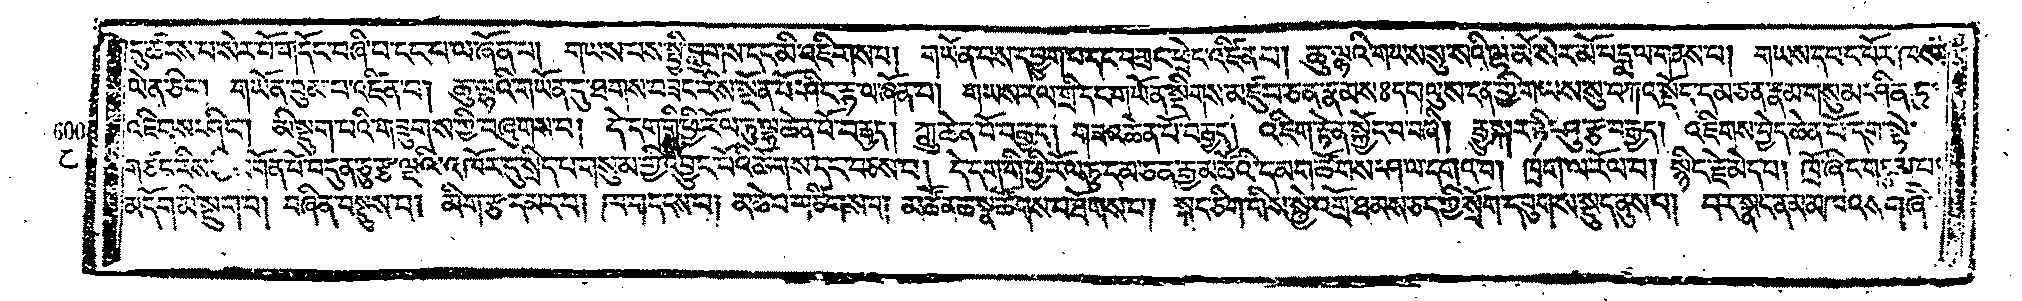དུ་ཚངས་པ་སེར་པོ་གདོང་བཞི་པ་ངང་པ་ལ་ཞོན་པ། གཡས་པས་སྤྱི་བླུགས་དང་མི་འཇིགས་པ། གཡོན་པས་དབྱུག་པ་དང་བགྲང་ཕྲེང་འཛིན་པ། ཆུ་ལྷའི་གཡས་སུ་སའི་ལྷ་མོ་སེར་མོ་པདམ་ལ་གནས་པ། གཡས་དབང་པོར་ཁས་
ཡེན་ཅིང་། གཡོན་བུམ་པ་འཛིན་པ། ཆུ་ལྷའི་གཡོན་དུ་ཐགས་བཟང་རིས་སྔོན་པོ་ཤིང་རྟ་ལ་ཞོན་པ། གཡས་རལ་གྲི་དང་གཡོན་སྡིགས་མཛུབ་ཅན་རྣམསཿདང་། ལུས་ངན་གྱི་གཡས་སུ་བཀའ་སྡོད་དམ་ཅན་རྣམ་གསུམ་ཤིན་ཏུ་
འཇིགས་ཤིང་། མི་སྡུག་པའི་གཟུགས་ཀྱི་བཞུགས་པ། དེ་དག་གི་ཕྱི་རོལ་ཏུ་ལྷ་ཆེན་པོ་བརྒྱད། ཀླུ་ཆེན་པོ་བརྒྱད། གཟའ་ཆེན་པོ་བརྒྱད། འཇིག་རྟེན་སྐྱོང་བ་བཞི། རྒྱུ་སྐར་ཉི་ཤུ་རྩ་བརྒྱད། འཇིགས་བྱེད་ཆེན་པོ་དགུ་སྟེ་
གཙང་རིས་གྱི་མགོན་པོ་བདུན་ཅུ་རྩ་ལྔའི་འཁོར་དུ་སྲིད་པ་གསུམ་གྱི་འབྱུང་པོའི་ཚོགས་དང་བཅས་པ། དེ་དག་གི་ཕྱི་རོལ་ཏུ་དམ་ཅན་རྒྱ་མཚོའི་དམག་ཚོགས་ཤ་ལ་དགའ་བ། ཁྲག་ལ་རོལ་བ། སྙིང་རྗེ་མེད་པ། ཁྲོ་ཞིང་གཏུལ་པ།
མདོག་མི་སྡུག་པ། བཞིན་བསྡུས་པ། མིག་རྩ་དམར་བ། ཁ་གདངས་བ། མཆེ་བ་གཙིགས་པ། མཚོན་ཆ་སྣ་ཚོགས་པ་ཐོགས་པ། སྐད་ཅིག་གིས་སྐྱེ་འགྲོ་ཐམས་ཅད་ཀྱི་སྲོག་དབུགས་སྡུད་ནུས་པ། བར་སྣང་ནམ་མཁའས་གཞི་